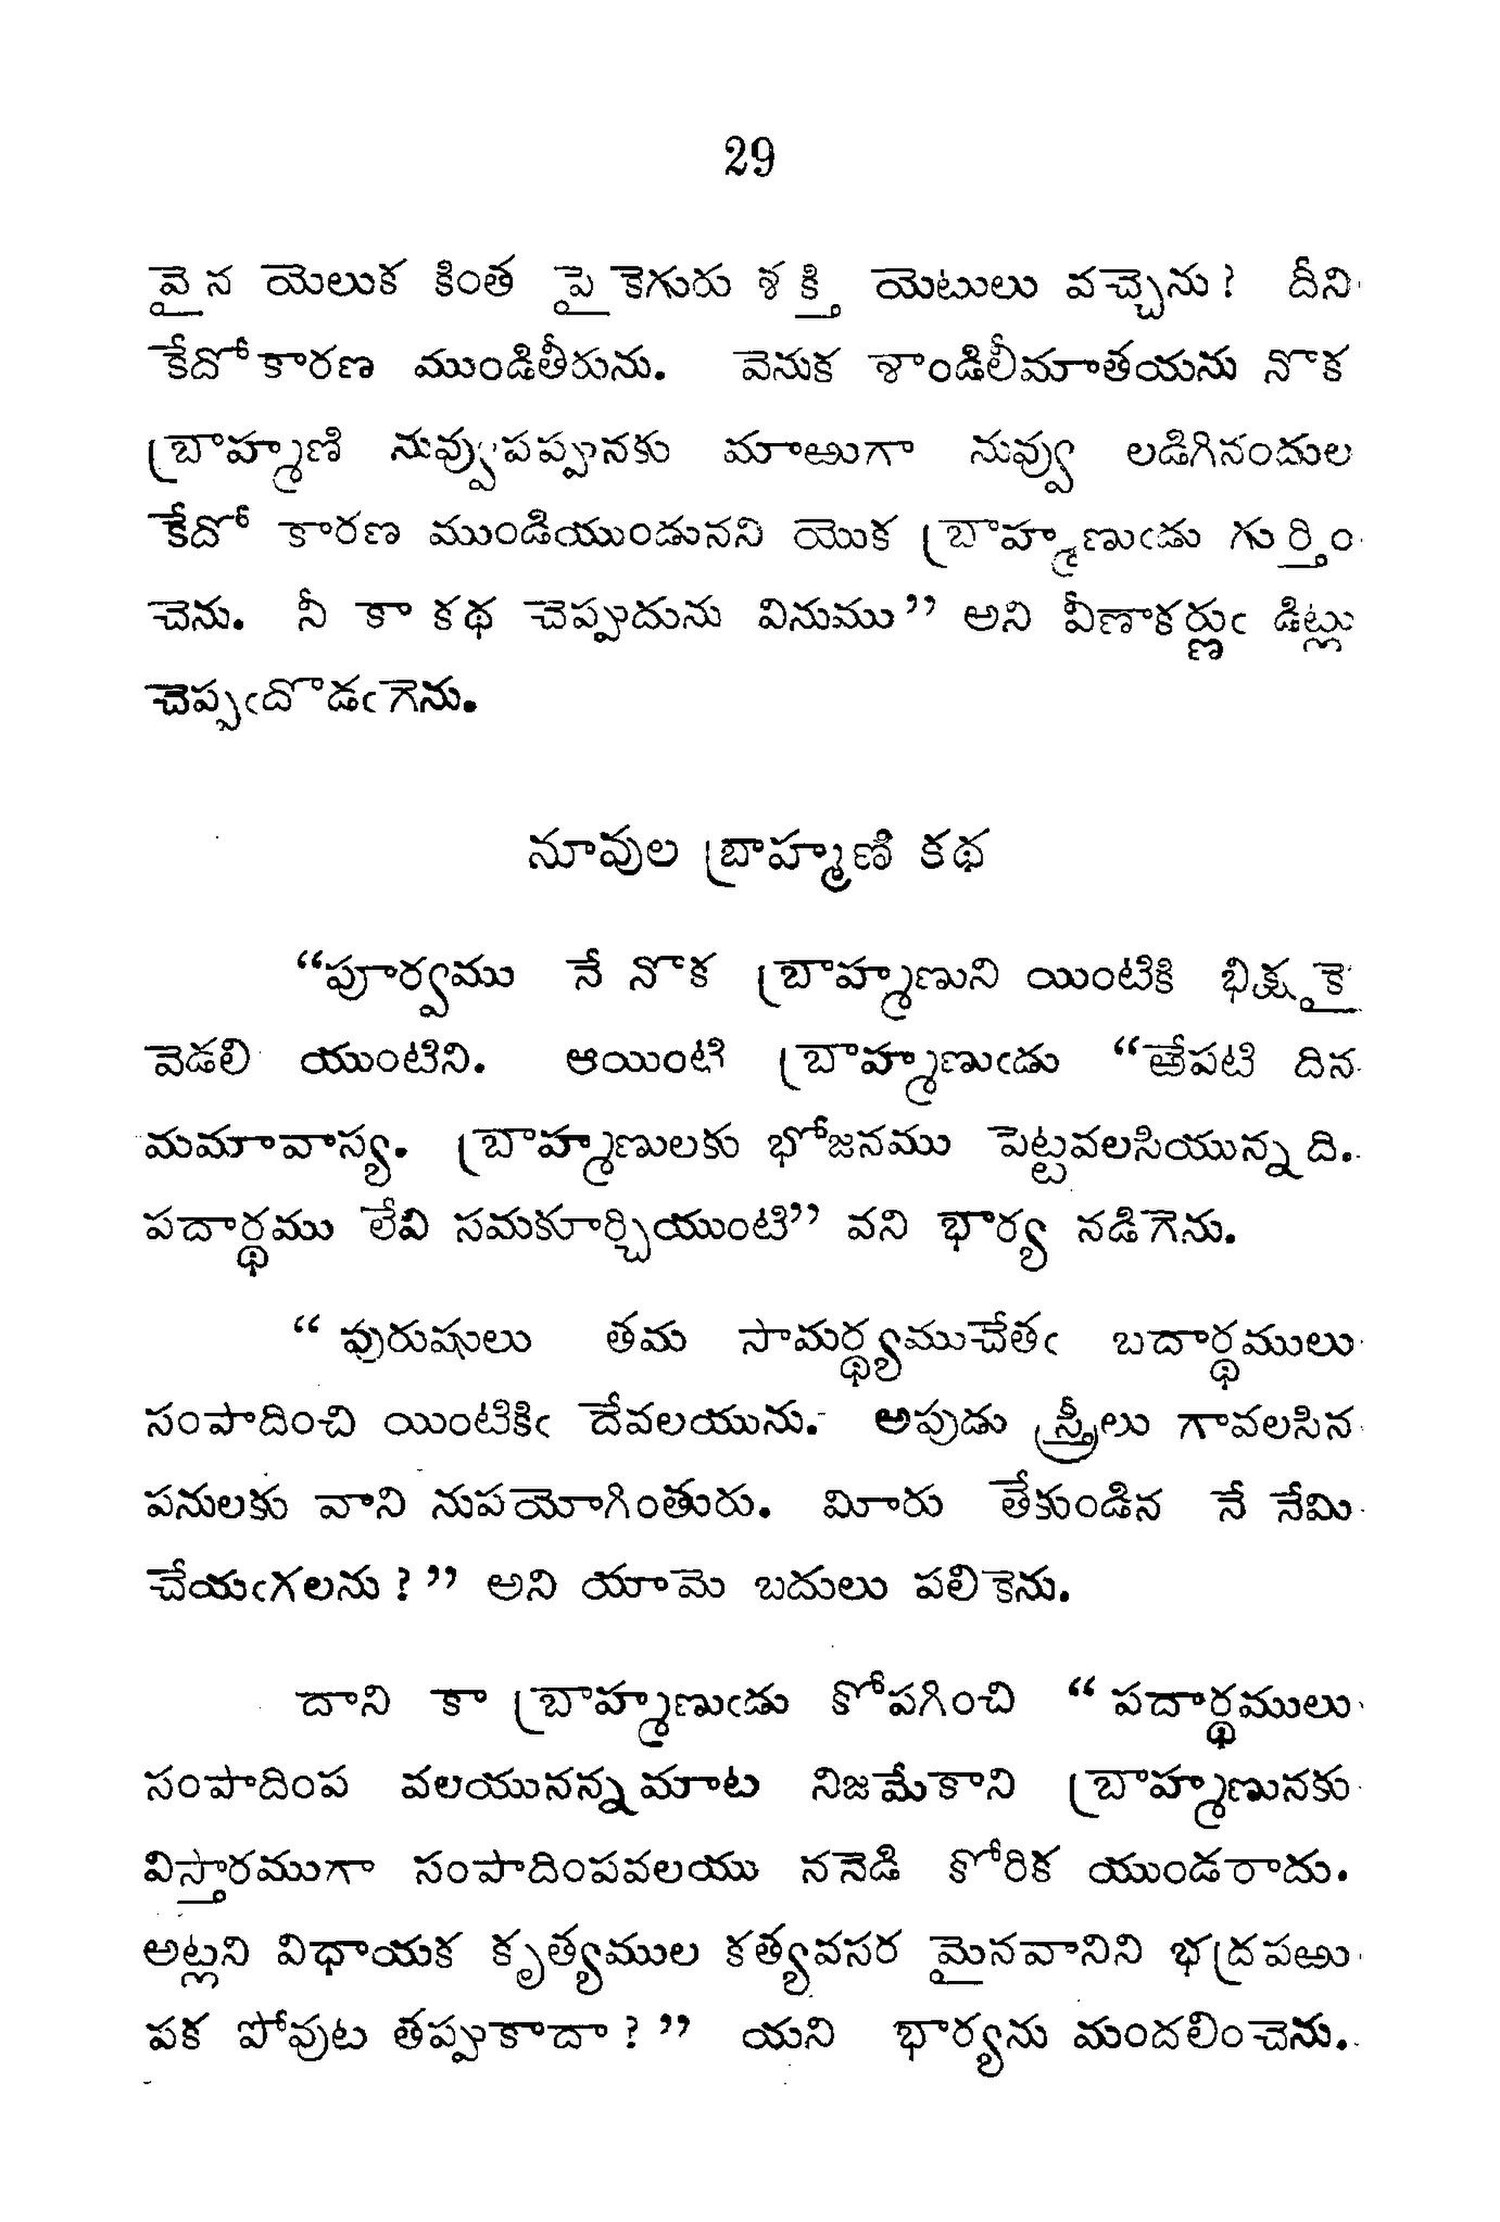వైన యెలుక కింత పైకెగురు శక్తి యెటులు వచ్చెను? దీని కేదోకారణ ముండితీరును. వెనుక శాండిలీమాతయను నొక బ్రాహ్మణి నువ్వుపప్పునకు మాఱుగా నువ్వు లడిగినందులకేదో కారణ ముండియుండునని యొక బ్రాహ్మణుడు గుర్తించెను. నీకా కథ చెప్పుదును వినుము" అని వీణాకర్ణు డిట్లు చెప్పదొడగెను. 

పూర్వము నేనొక బ్రాహ్మణుని యింటికి భిక్షకై వెడలి యుంటిని. ఆయింటి బ్రాహ్మణుడు "ఱేపటి దిన మమావాస్య. బ్రాహ్మణులకు భోజనము పెట్టవలసియున్నది. పదార్థము లేవి సమకూర్చియుంటి" వని భార్య నడిగెను.

"పురుషులు తమ సామర్థ్యముచేత బదార్థములు సంపాదించి యింటికి దేవలయును. అపుడు స్త్రీలు గావలసిన పనులకు వాని నుపయోగింతురు. మీరు తేకుండిన నే నేమి చేయగలను?" అని యామె బదులు పలికెను.

దాని కా బ్రాహ్మణుడు కోపగించి "పదార్థములు సంపాదింప వలయునన్నమాట నిజమేకాని బ్రాహ్మణునకు విస్తారముగా సంపాదింపవలయు ననెడి కోరిక యుండరాదు. అట్లని విధాయక కృత్యముల కత్యవసర మైనవానిని భద్రపఱుపక పోవుట తప్పుకాదా?" యని భార్యను మందలించెను.